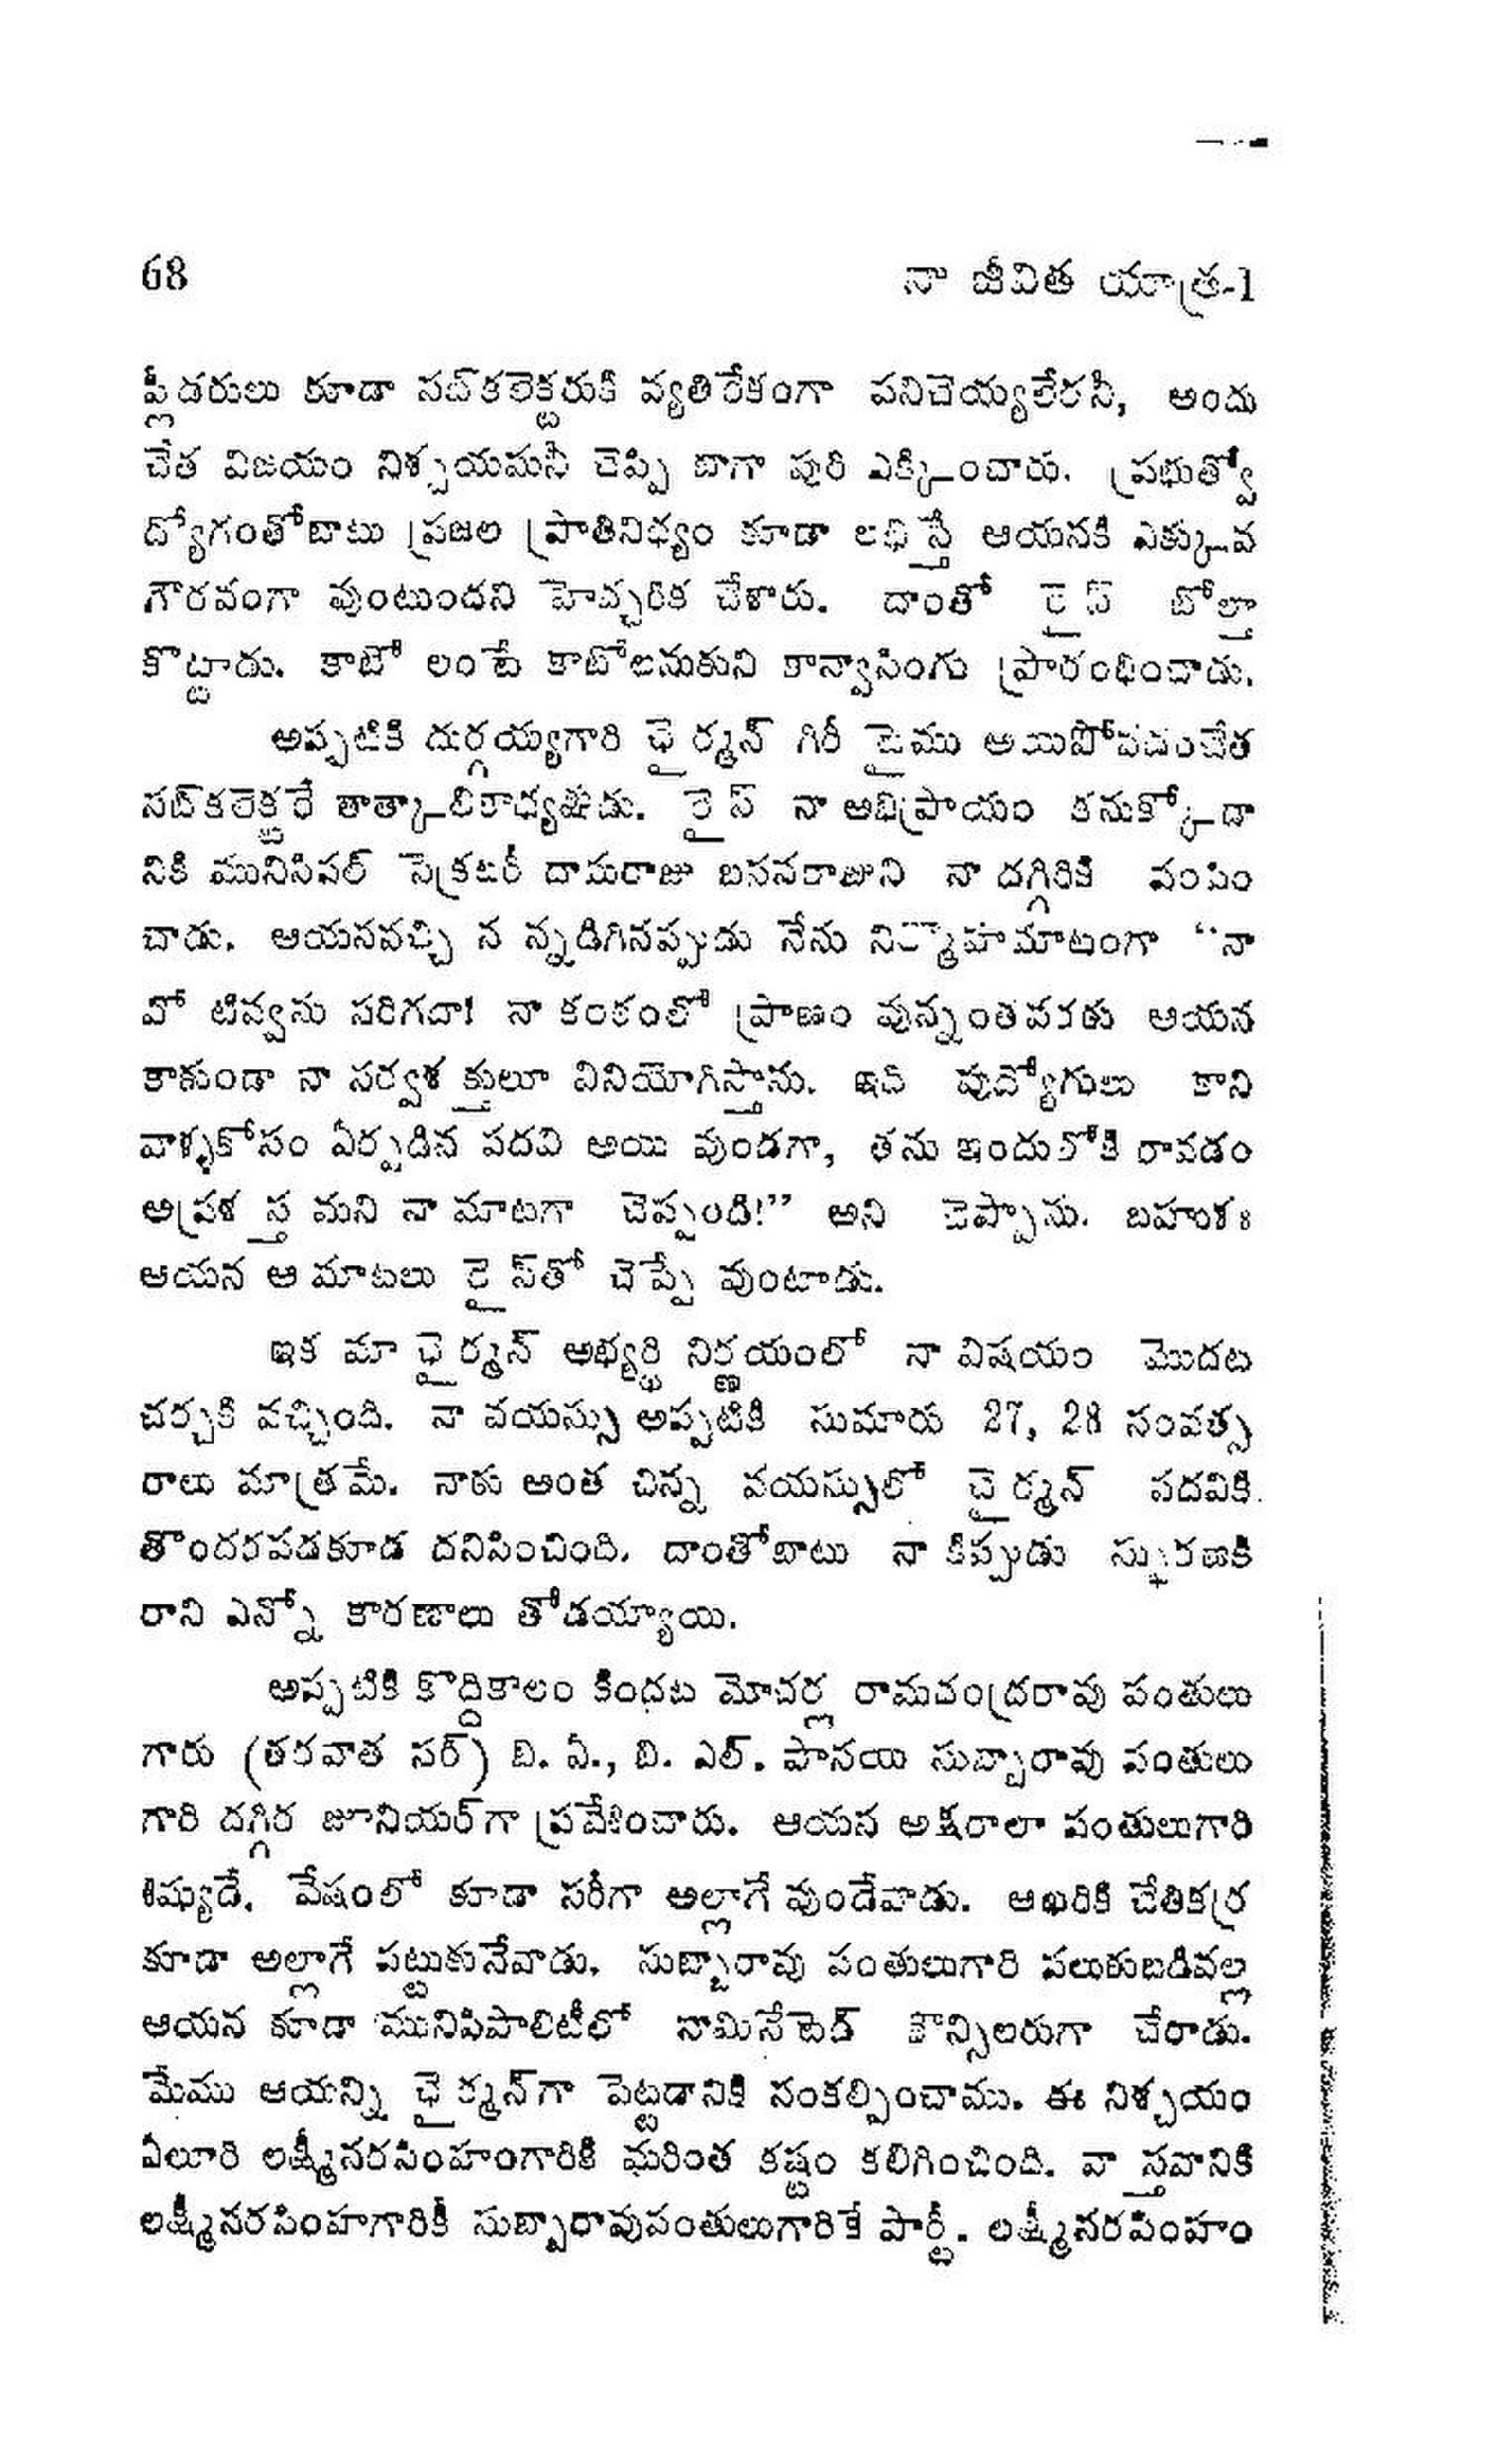ప్లీడరులు కూడా సబ్ కలెక్టరుకి వ్యతిరేకంగా పనిచెయ్యలేరని, అందుచేత విజయం నిశ్చయమనీ చెప్పి బాగా పురి ఎక్కించారు. ప్రభుత్వోద్యోగంతోబాటు ప్రజల ప్రాతినిధ్యం కూడా లభిస్తే ఆయనకి ఎక్కువ గౌరవంగా వుంటుందని హెచ్చరిక చేశారు. దాంతో రైస్ బోల్తా కొట్టాడు. కాబోలంటే కాబోలనుకుని కాన్వాసింగు ప్రారంభించాడు.

అప్పటికి దుర్గయ్యగారి ఛైర్మన్ గిరీ టైము అయిపోవడం చేత సబ్ కలెక్టరే తాత్కాలికాధ్యక్షుడు, రైస్ నా అభిప్రాయం కనుక్కోవడానికి మునిసిపల్ సెక్రటరీ దామరాజు బసవరాజుని నా దగ్గరకి పంపించాడు. ఆయనవచ్చి నన్నడిగినప్పుడు నేను నిర్మొహమాటంగా "నా వోటివ్వను సరిగదా! నా కంఠంలో ప్రాణం వున్నంతవరకూ ఆయన కాకుండా సర్వశక్తులూ వినియోగిస్తాను. ఇది వుద్యోగులు కాని వాళ్ళ కోసం ఏర్పడిన పదవి అయివుండగా, తను ఇందులోకి రావడం అప్రశస్తమని నా మాటగా చెప్పండి!" అని చెప్పాను. బహుశ: ఆయన ఆ మాటలు రైస్ తో చెప్పేవుంటాడు.

ఇక మాఛైర్మన్ అభ్యర్థి నిర్ణయంలో నా విషయం మొదట చర్చకి వచ్చింది. నా వయస్సు అప్పటికి సుమారు 27, 28 సంవత్సరాలు మాత్రమే. నాకు అంత చిన్న వయస్సులో ఛైర్మన్ పదవికి తొందరపడకూడదనిపించింది. దాంతోపాటు నా కిప్పుడు స్ఫురణకు రాని ఎన్నో కారణాలు తోడయ్యాయి.

అప్పటికి కొద్దికాలం కిందట మోచర్ల రామచంద్రరావు పంతులుగారు (తరవాత సర్) బి.ఏ., బి.ఎల్. పాసయి సుబ్బారావు పంతులుగారి దగ్గిర జూనియర్ గా ప్రవేశించారు. ఆయన అక్షరాలా పంతులుగారి శిష్యుడే. వేషంలో కూడా సరీగా అల్లాగే వుండేవాడు. ఆఖరికి చేతికర్ర కూడా అల్లాగే పట్టుకునేవాడు. సుబ్బారావు పంతులుగారి పలుకుబడి వల్ల ఆయన కూడా మునిసిపాలిటీలో నామినేటెడ్ కౌన్సిలర్ గా చేరారు. మేము ఆయన్ని ఛైర్మన్ గా పెట్టడానికి సంకల్పించాము. ఈ నిశ్చయం ఏలూరి లక్ష్మీనరసింహంగారికి మరింత కష్టం కలిగించింది. వాస్తవానికి లక్ష్మీ నరసింహంగారికీ సుబ్బారావుపంతులుగారికే పార్టీ. లక్ష్మీనరసింహం